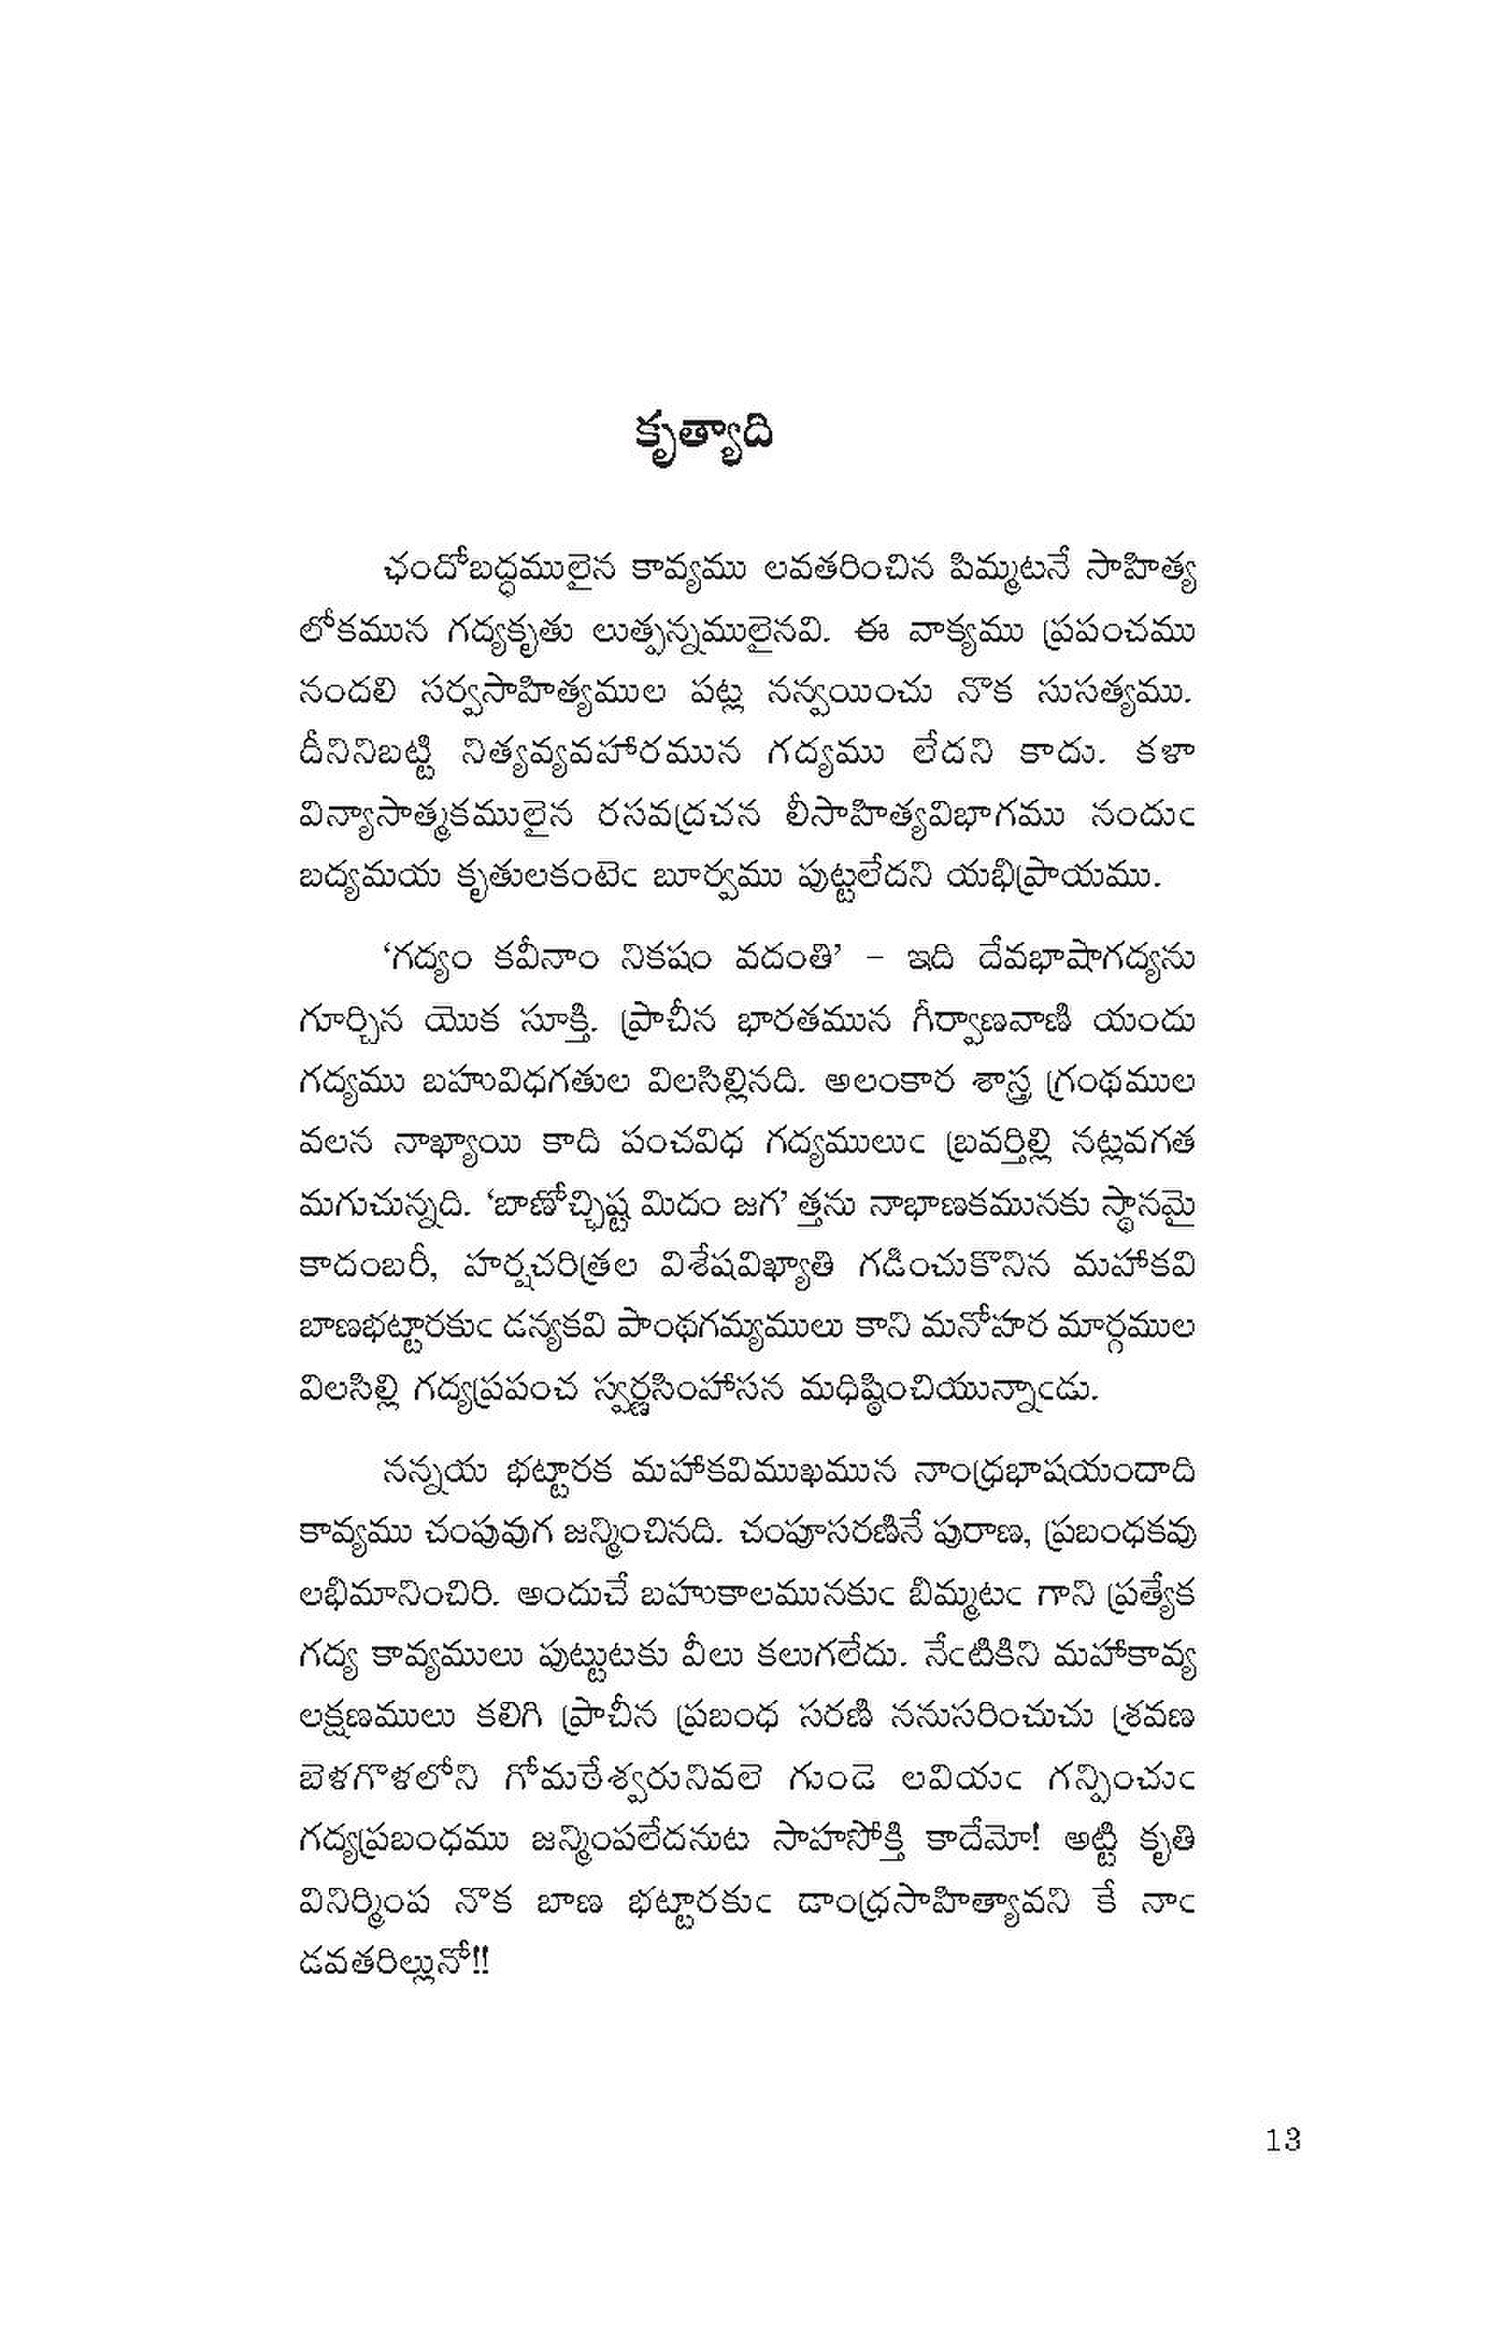ఛందోబద్ధములైన కావ్యము లవతరించిన పిమ్మటనే సాహిత్య లోకమున గద్యకృతు లుత్పన్నములైనవి. ఈ వాక్యము ప్రపంచము నందలి సర్వసాహిత్యముల పట్ల నన్వయించు నొక సుసత్యము. దీనినిబట్టి నిత్యవ్యవహారమున గద్యము లేదని కాదు. కళా విన్యాసాత్మకములైన రసవద్రచన లీసాహిత్యవిభాగము నందుఁ బద్యమయ కృతులకంటెఁ బూర్వము పుట్టలేదని యభిప్రాయము.

“గద్యం కవీనాం నికషం వదంతి” - ఇది దేవభాషాగద్యను గూర్చిన యొక సూక్తి. ప్రాచీన భారతమున గీర్వాణవాణి యందు గద్యము బహువిధగతుల విలసిల్లినది. అలంకార శాస్త్ర గ్రంథముల వలన నాఖ్యాయి కాది పంచవిధ గద్యములుఁ బ్రవర్తిల్లి నట్లవగత మగుచున్నది. 'బాణోచ్చిష్ట మిదం జగ త్తను నాభాణకమునకు స్టానమై కాదంబరీ, హర్షచరిత్రల విశేషవిఖ్యాతి గడించుకొనిన మహాకవి బాణభట్టారకుఁ డన్యకవి పాంథగమ్యములు కాని మనోహర మార్గముల విలసిల్లి గద్యప్రపంచ స్వర్ణసింహాసన మధిష్టించియున్నాండు.

నన్నయ భట్టారక మహాకవిముఖమున నాంధ్రభాషయందాది కావ్యము చంపువుగ జన్మించినది. చంపూసరణినే పురాణ, ప్రబంధకవు లభిమానించిరి. అందుచే బహుకాలమునకుం బిమ్మటం గాని ప్రత్యేక గద్య కావ్యములు పుట్టుటకు వీలు కలుగలేదు. నేఁటికిని మహాకావ్య లక్షణములు కలిగి ప్రాచీన ప్రబంధ సరణి ననుసరించుచు శ్రవణ బెళగొళలోని గోమరేశ్వరునివలె గుండె లవియం గన్పించుఁ గద్యప్రబంధము జన్మింపలేదనుట సాహసోక్తి కాదేమో! అట్టి కృతి వినిర్మింప నొక బాణ భట్టారకుం డాంధ్రసాహిత్యావని కే నాఁ డవతరిల్లునో!!